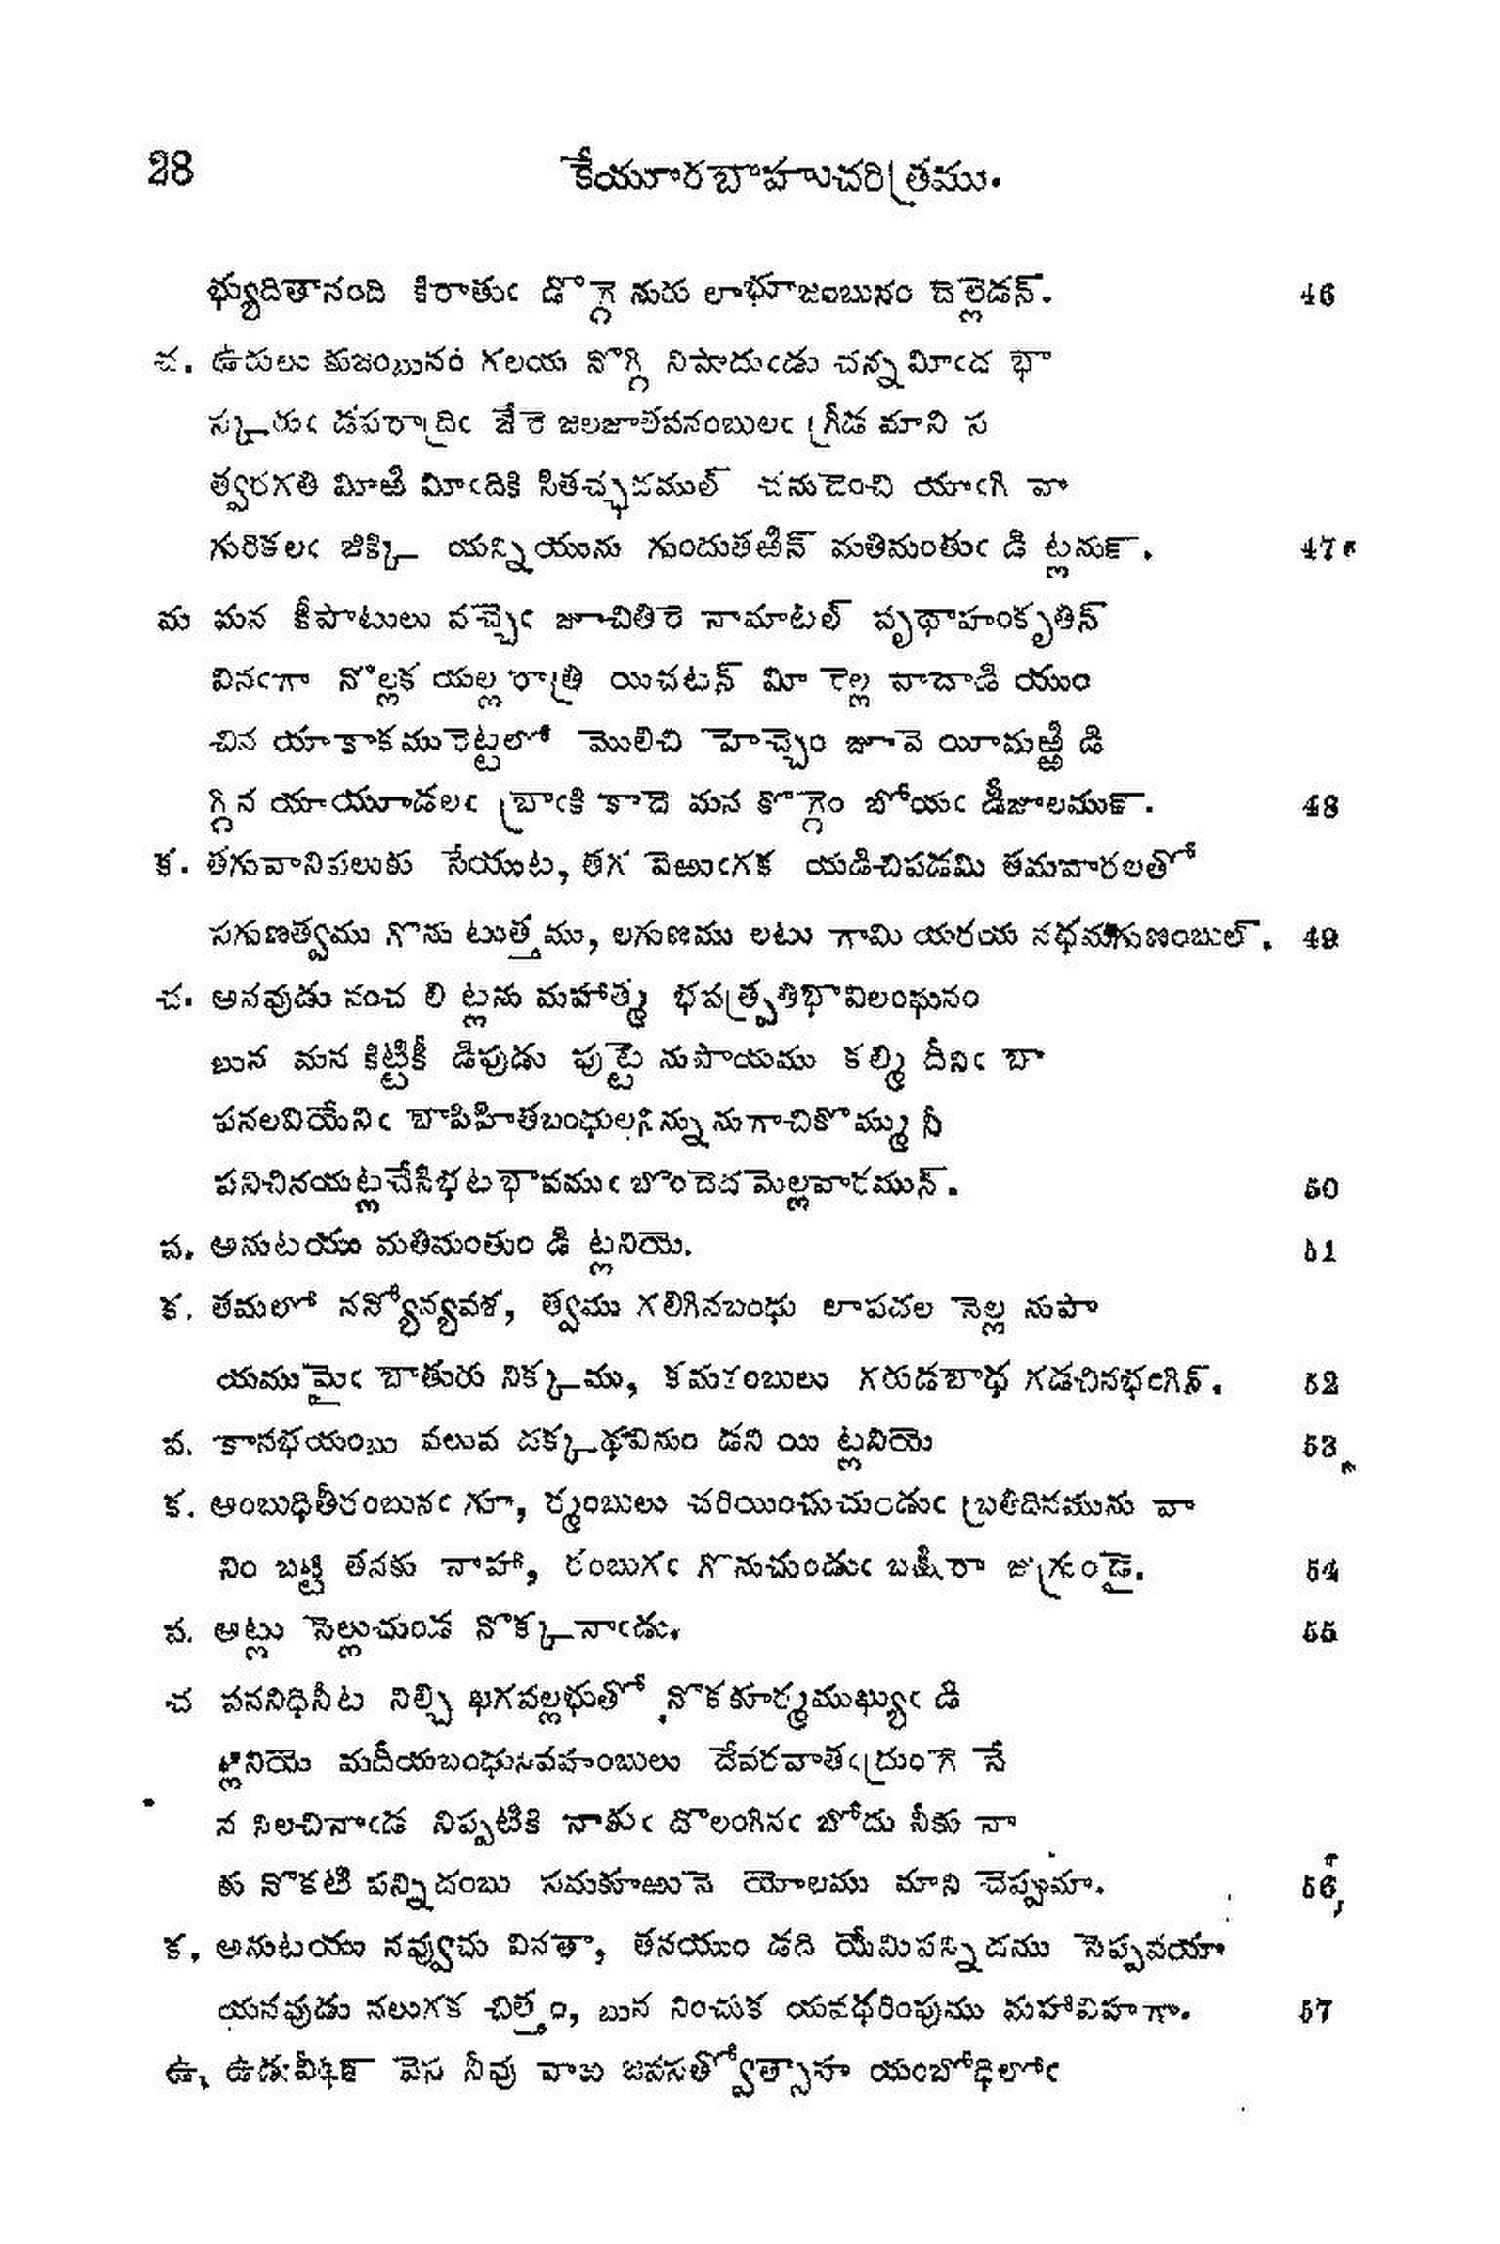భ్యుదితానంది కిరాతుఁ డొగ్గె నురు లాభూజంబునం దెల్లెడన్.
చ. ఉరులు కుజంబునం గలయ నొగ్గి నిసాదుఁడు చన్నమీఁద భా
 స్కరుఁ డపరాద్రిఁ జేరె జలజాతవనంబులఁ గ్రీడ మాని స
 త్వరగతి మీఱి మీఁదికి సితచ్ఛదముల్ చనుదెంచి యాఁగి పో
 గురికలఁ జిక్కి యన్నియును గుందుతఱిన్ మతిమంతుఁ డి ట్లనున్.
మ. మన కీపాటులు వచ్చెఁ జూచితిరె నామాటల్ వృథాహంకృతిన్
 వినఁగా నొల్లక యల్లరాత్రి యిచటన్ మీ రెల్ల వాదాడి యుం
 చిన యాకాకమురెట్టలో మొలిచి హెచ్చెం జూవె యీమఱ్ఱి డి
 గ్గిన యాయూడలఁ బ్రాఁకి కాదె మన కొగ్గెం బోయఁ డీజాలమున్.
క. తగువానిపలుకు సేయుట, తగ వెఱుఁగక యడిచిపడమి తమవారలతో
 సగుణత్వము గొను టుత్తము, లగుణము లటు గామి యరయ నధమగుణంబుల్.
చ. అనవుడు నంచ లిట్లను మహాత్మ భవత్ప్రతిభావిలంఘనం
 బున మన కిట్టికీ డిపుడు పుట్టె నుపాయము కల్మి దీనిఁ బా
 పనలవియేనిఁ బాపి హితబంధుల నిన్నును గాచికొమ్ము నీ
 పనిచినయట్ల చేసి భటభావముఁ బొందెద మెల్లవారమున్.
వ. అనుటయు మతిమంతుం డి ట్లనియె.
క. తమలో నన్యోన్యవశ, త్వము గలిగినబంధు లాపదల నెల్ల నుపా
 యము మైఁ బాతురు నిక్కము, కమఠంబులు గరుడబాధ గడచినభంగిన్.
వ. కాన భయంబు వలువ డక్కథ వినుం డని యి ట్లనియె.
క. అంబుధితీరంబునఁ గూ, ర్మంబులు చరియించుచుండుఁ బ్రతిదినమును వా
 నిం బట్టి తనకు నాహా, రంబుగఁ గొనుచుండుఁ బక్షిరా జుగ్రుండై.
వ. ఆట్లు సెల్లుచుండ నొక్కనాఁడు.
చ. వననిధినీట నిల్చి ఖగవల్లభుతో నొకకూర్మముఖ్యుఁ డి
 ట్లనియె మదీయబంధునివహంబులు దేవరవాతఁ ద్రుంగె నే
 న నిలచినాఁడ నిప్పటికి నాకుఁ దొలంగినఁ బోదు నీకు నా
 కు నొకటి పన్నిదంబు సమకూఱునె యోలము మాని చెప్పుమా.
క. అనుటయు నవ్వుచు వినతా, తనయుం డది యేమి పన్నిదము సెప్పవయా
 యనవుడు నలుగక చిత్తం, బున నించుక యవధరింపుము మహావిహగా.
ఉ. ఉడువీథిన్ వెస నీవు వాఱ జవసత్వోత్సాహ యంబోధిలోఁ